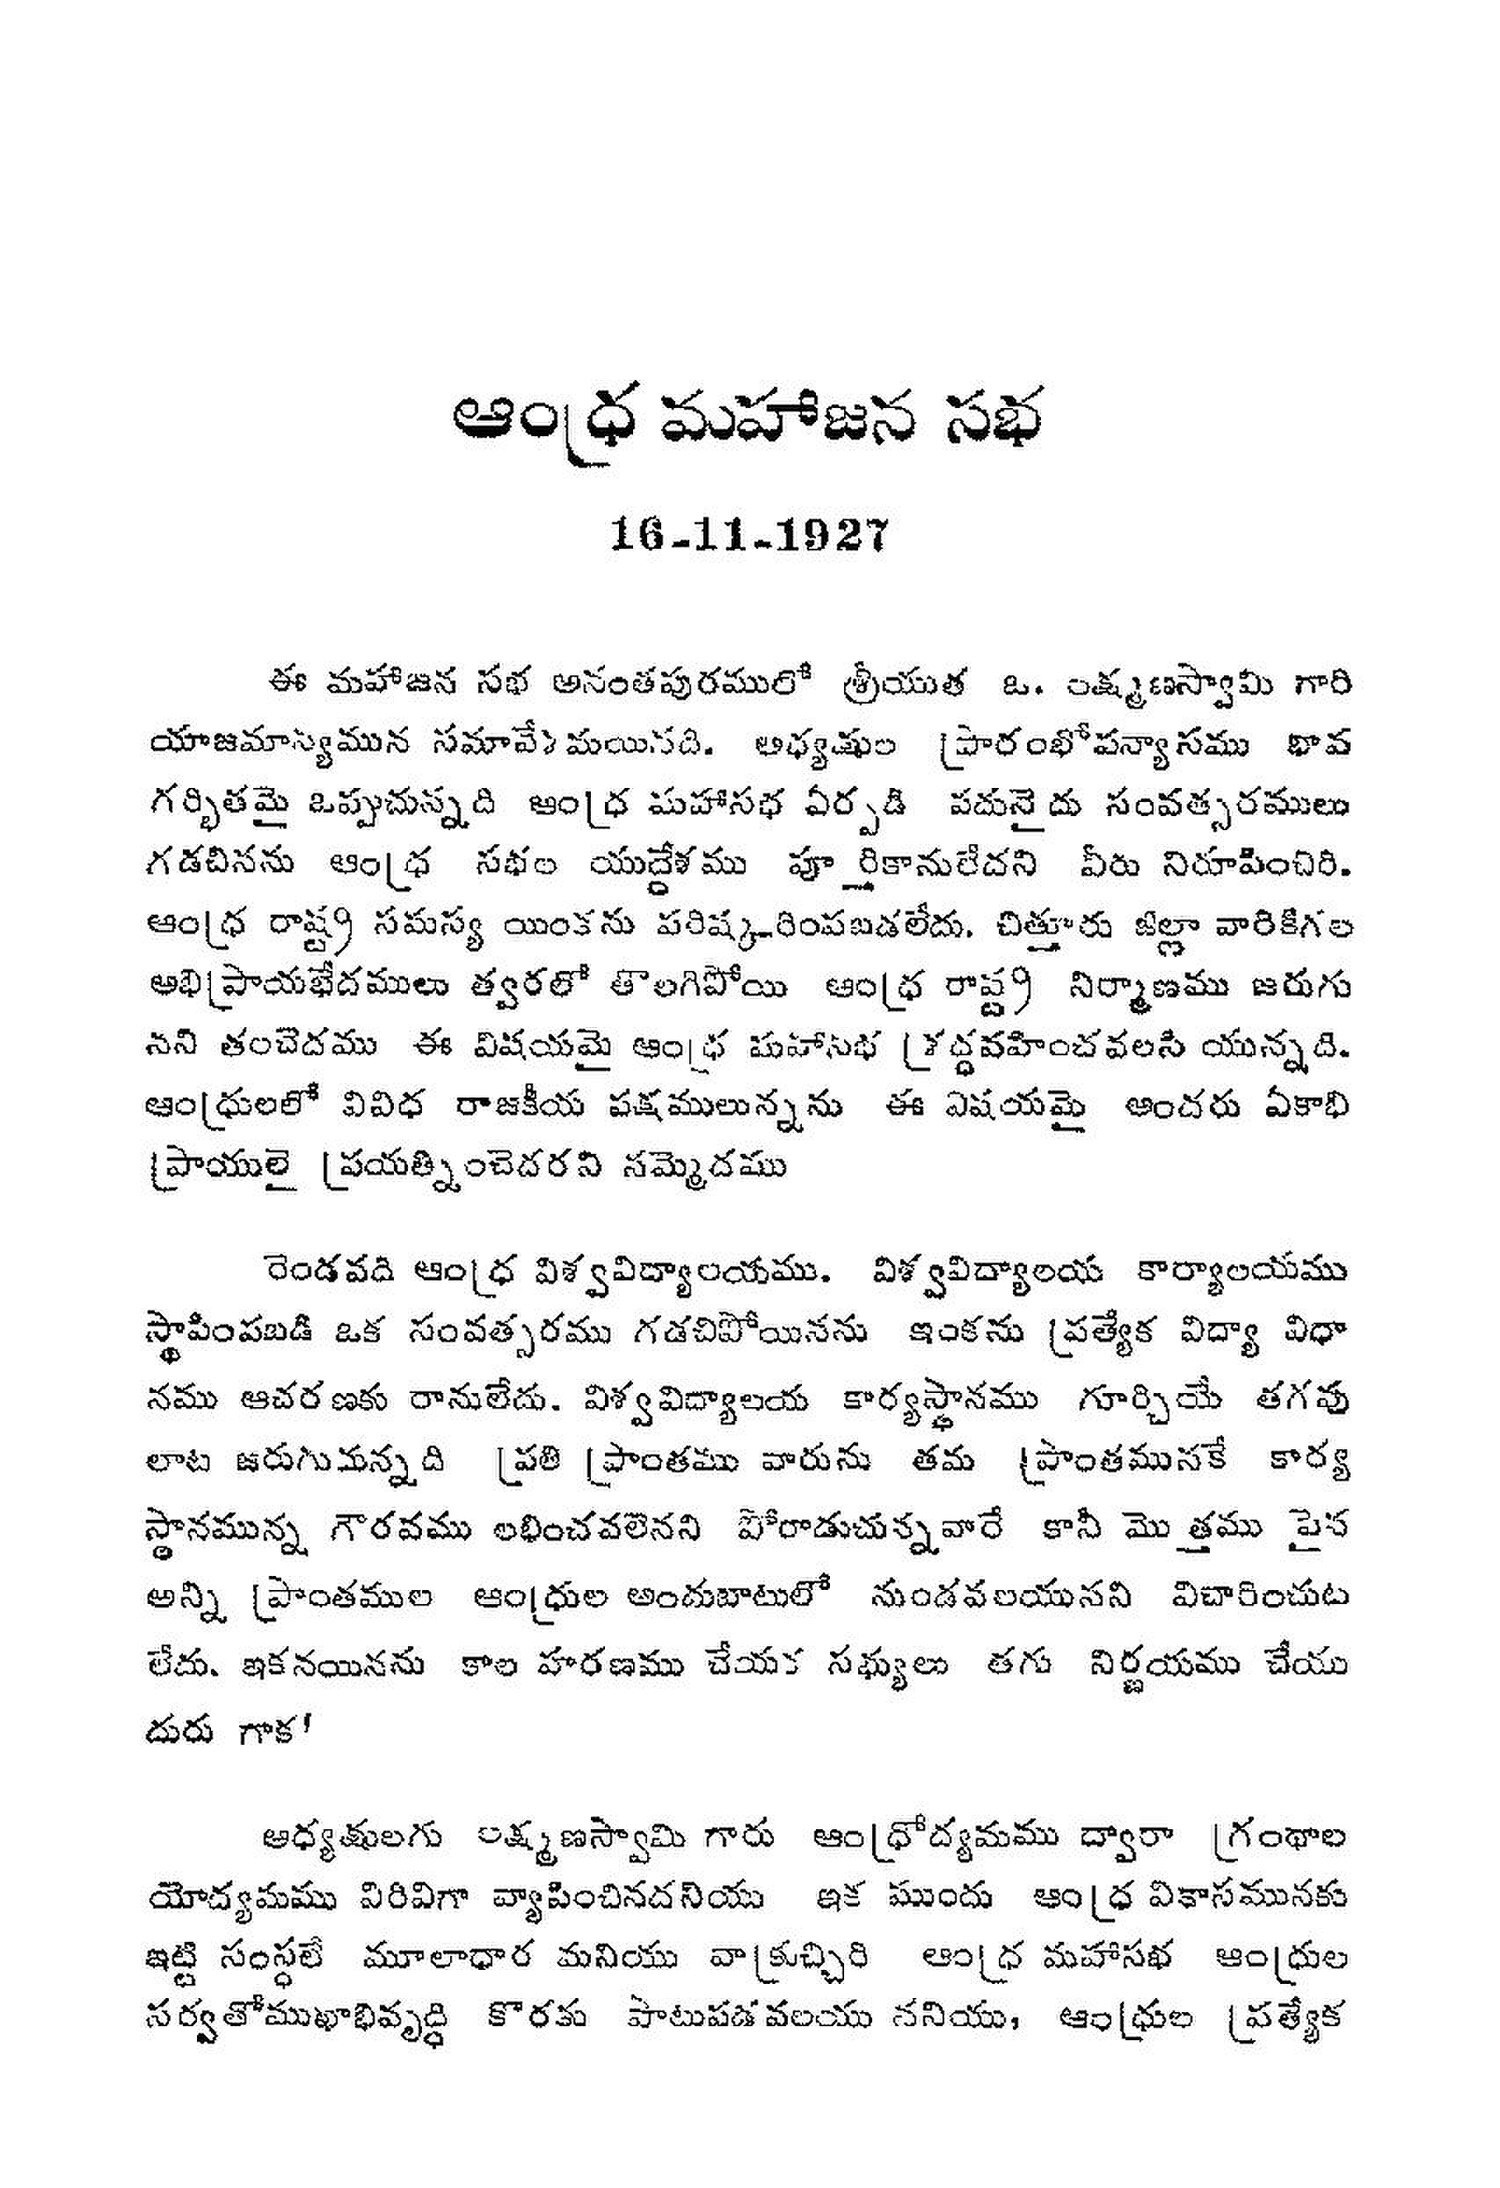ఆంధ్ర మహాజన సభ

16-11-1927

ఈ మహాజన సభ అనంతపురములో శ్రీయుత ఒ. లక్ష్మణస్వామి గారి యాజమాన్యమున సమావేశమయినది. అధ్యక్షుల ప్రారంభోపన్యాసము భావగర్భితమై ఒప్పుచున్నది ఆంధ్ర మహాసభ ఏర్పడి పదునైదు సంవత్సరములు
గడచినను ఆంధ్ర సభల యుద్దేశము పూర్తికానులేదని వీరు నిరూపించిరి. ఆంధ్ర రాష్ట్ర సమస్య యింకను పరిష్కరింపబడలేదు. చిత్తూరు జిల్లా వారికిగల అభిప్రాయభేదములు త్వరలో తొలగిపోయి ఆంధ్ర రాష్ట్ర నిర్మాణము జరుగునని తలచెదము ఈ విషయమై ఆంధ్ర మహాసభ శ్రద్ధవహించవలసి యున్నది. ఆంధ్రులలో వివిధ రాజకీయ పక్షములున్నను ఈ విషయమై అందరు ఏకాభిప్రాయులై ప్రయత్నించెదరని నమ్మెదము

రెండవది ఆంధ్ర విశ్వవిద్యాలయము. విశ్వవిద్యాలయ కార్యాలయము స్థాపింపబడి ఒక సంవత్సరము గడచిపోయినను ఇంకను ప్రత్యేక విద్యా విధానము ఆచరణకు రానులేదు. విశ్వవిద్యాలయ కార్యస్థానము గూర్చియే తగవులాట జరుగుచున్నది ప్రతి ప్రాంతము వారును తమ ప్రాంతమునకే కార్య స్థానమున్న గౌరవము లభించవలెనని పోరాడుచున్నవారే కానీ మొత్తము పైన అన్ని ప్రాంతముల ఆంధ్రుల అందుబాటులో నుండవలయునని విచారించుట లేదు. ఇకనయినను కాల హరణము చేయక సభ్యులు తగు నిర్ణయము చేయుదురు గాక!

అధ్యక్షులగు లక్ష్మణస్వామి గారు ఆంధ్రోద్యమము ద్వారా గ్రంథాల యోద్యమము విరివిగా వ్యాపించినదనియు ఇక ముందు ఆంధ్ర వికాసమునకు ఇట్టి సంస్థలే మూలాధార మనియు వాక్రుచ్చిరి ఆంధ్ర మహాసభ ఆంధ్రుల
సర్వతోముఖాభివృద్ధి కొరకు పాటుపడవలయు ననియు, ఆంధ్రుల ప్రత్యేక